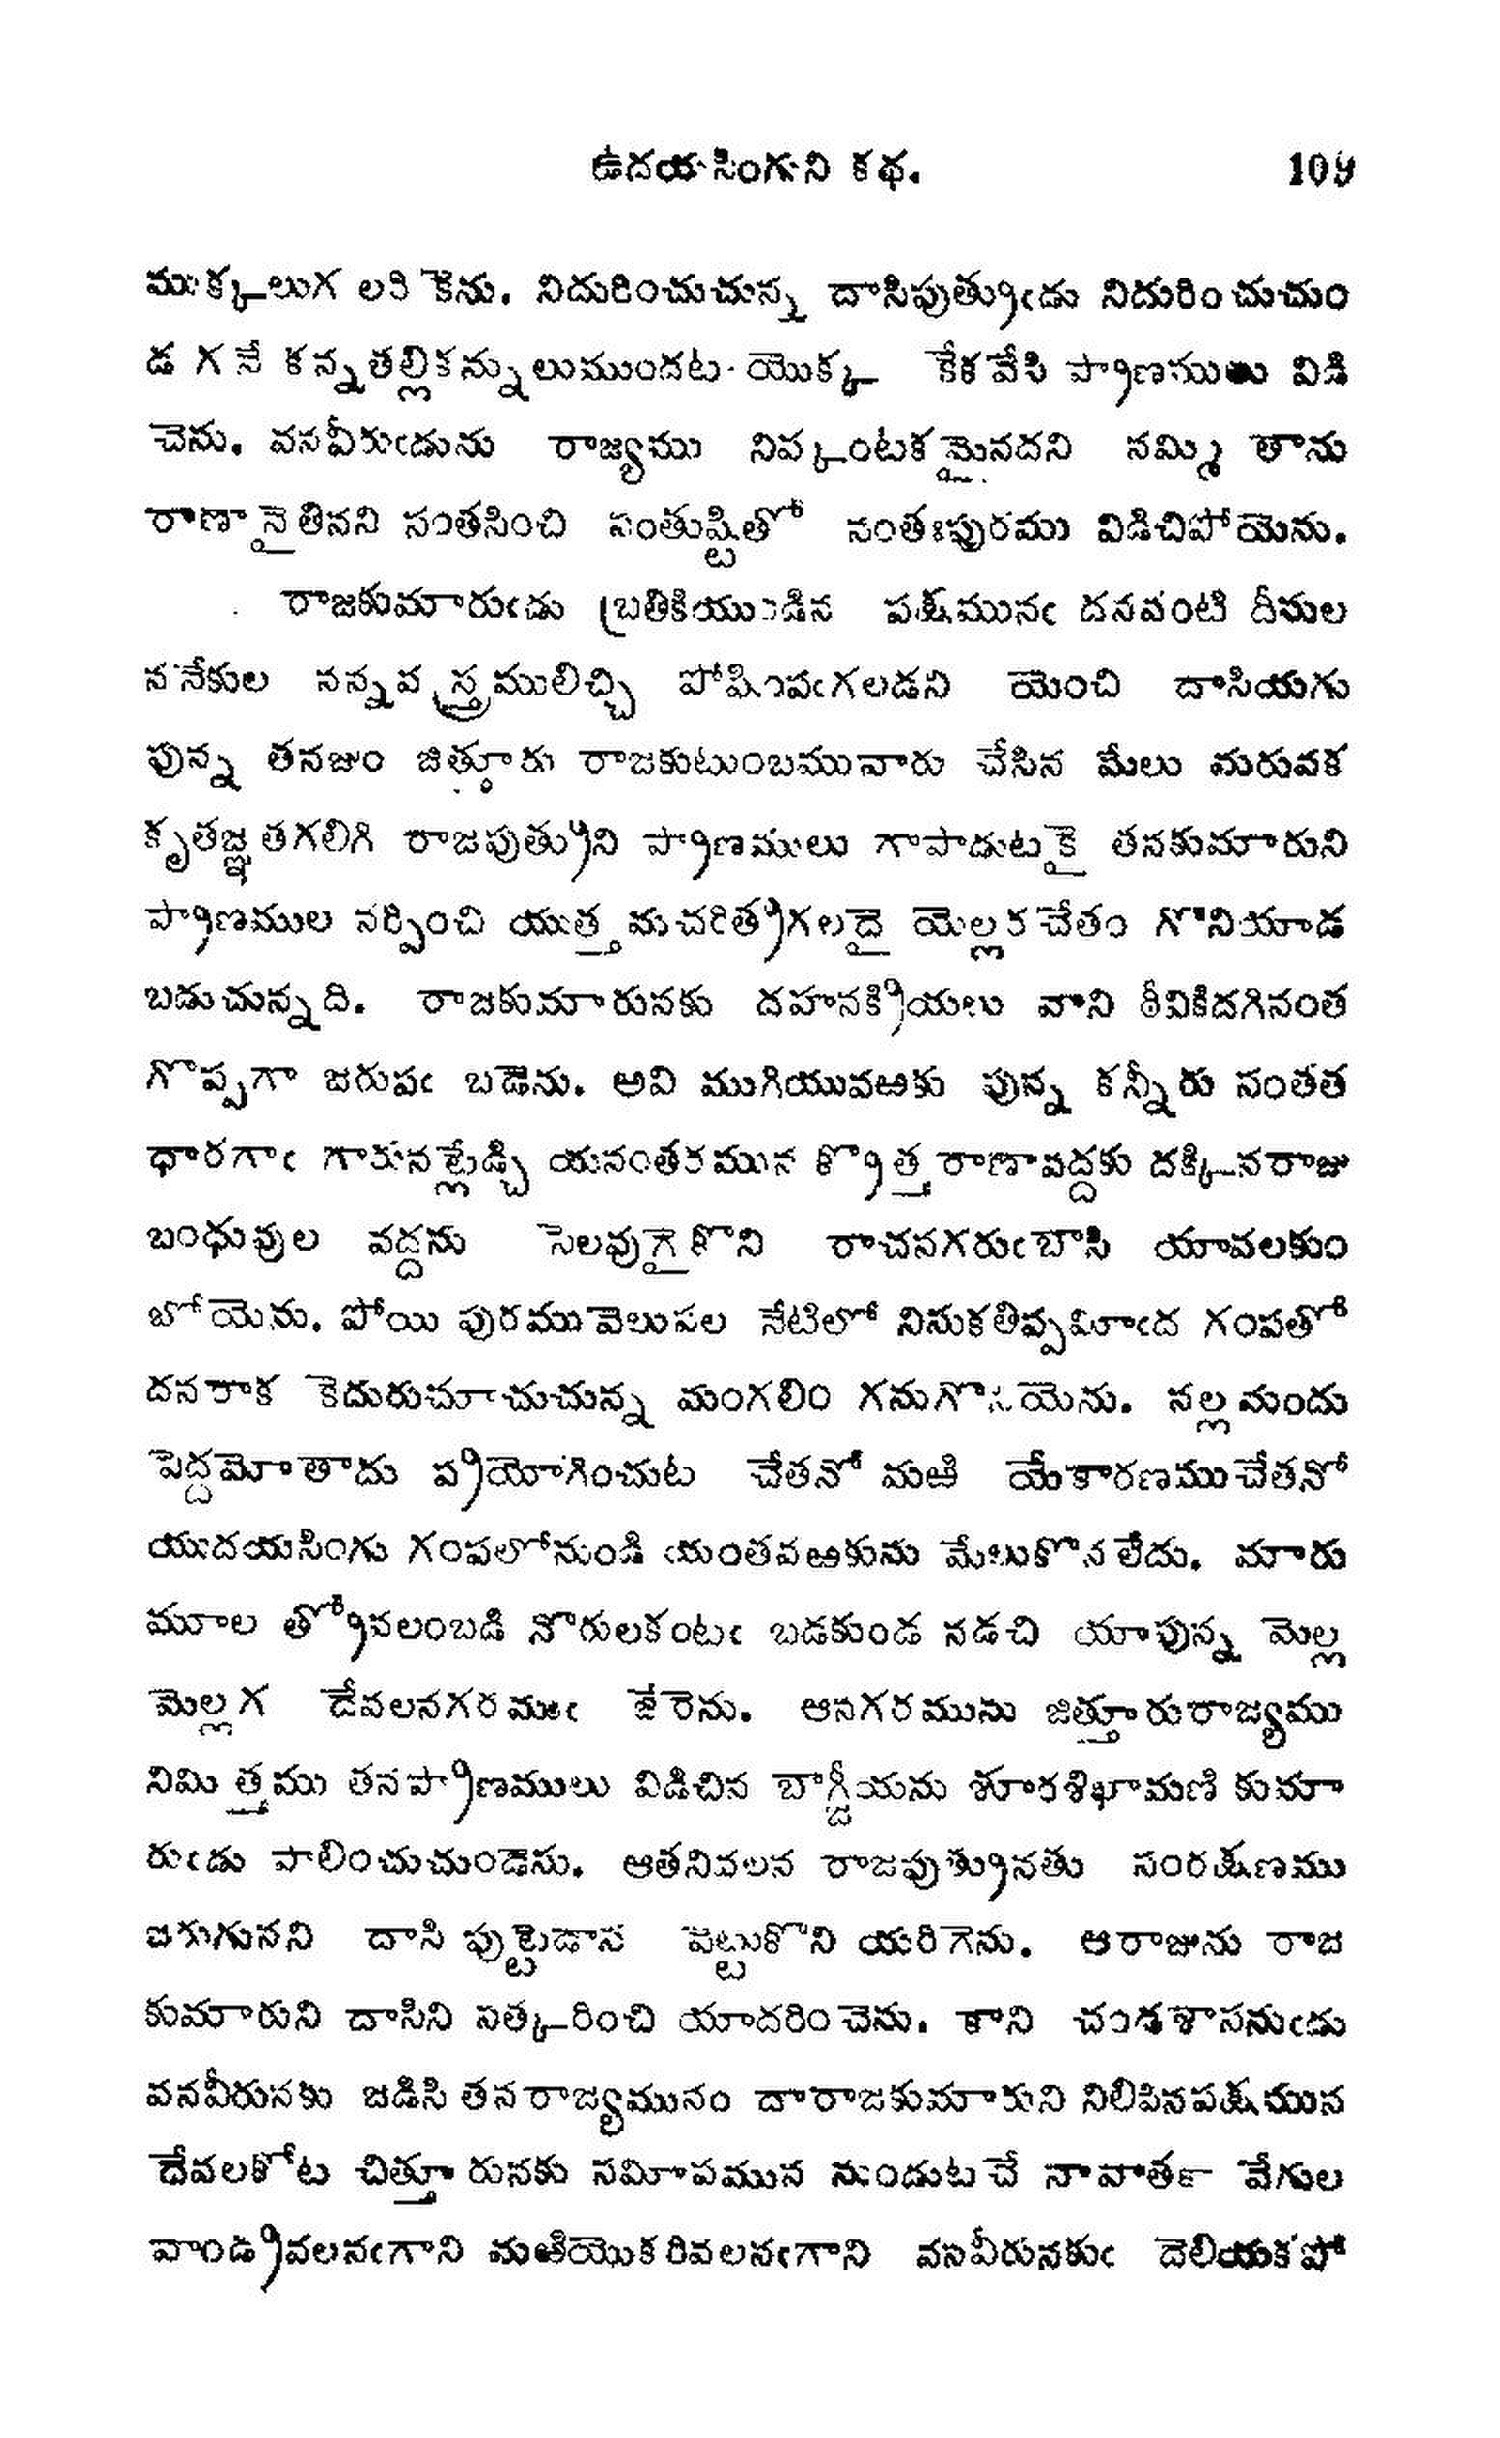ముక్కలుగ లరికెను. నిదురించుచున్న దాసిపుత్రుఁడు నిదురించుచుండగనే కన్నతల్లికన్నులు ముందట యొక్క కేక వేసి ప్రాణములు విడి
చెను, వన వీరుఁడును రాజ్యము నిష్కంటకమైనదని నమ్మి తాను రాణా నైతినని సంతసించి సంతుష్టితో సంతఃపురము విడిచిపోయెను.

రాజకుమారుఁడు బ్రతికియుండిన పక్షమునఁ దనవంటి దీనుల ననేకుల నన్నవస్త్రములిచ్చి పోషింపఁగలడని యెంచి దాసియగు
పున్న తనజుం జిత్తూరు రాజకుటుంబము వారు చేసిన మేలు మరువక కృతజ్ఞతగలిగి రాజపుత్రుని ప్రాణములు గాపాడుటకై తనకుమారుని
ప్రాణముల నర్పించి యుత్తమచరిత్ర గలదై యెల్లర చేతం గొనియాడ బడుచున్నది. రాజకుమారునకు దహనక్రియలు వాని ఠీవికిదగినంత
గొప్పగా జరుపఁ బడెను. అవి ముగియువఱకు పున్న కన్నీరు సంతత ధారగాఁ గారు నట్లేడ్చి యనంతరమున కొత్త రాణా వద్దకు దక్కిన రాజు బంధువుల వద్దను సెలవు గైకొని రాచనగరుఁ బాసి యావలకుం బోయెను. పోయి పురము వెలుపల నేటిలో నిసుక తిప్పమీద గంపతో
దనరాక కెదురుచూచుచున్న మంగలిం గనుగొనియెను. నల్ల మందు పెద్దమోతాదు ప్రయోగించుట చేతనో మఱి యేకారణము చేతనో
యుదయసింగు గంపలోనుండి యంతవఱకును మేలుకొనలేదు. మారుమూల త్రొవలంబడి నొరులకంటఁ బడకుండ నడచి యాపున్న మెల్ల
మెల్లగ దేవలనగరము జేరెను. ఆనగరమును జిత్తూరు రాజ్యము నిమిత్తము తన ప్రాణములు విడిచిన బాగ్జీ యను శూరశిఖామణి కుమారుఁడు పాలించుచుండెను. ఆతనివలన రాజపుత్రునతు సంరక్షణము జరుగునని దాసి ఫుట్టెడాస పెట్టుకొని యరిగెను. ఆరాజును రాజకుమారుని దాసిని సత్కరించి యాదరించెను. కాని చండ శాసనుఁడు వనవీరునకు జడిసి తనతన రాజ్యమునందా రాజకుమారుని నిలిపిన పక్షమున
దేవలకోట చిత్తూరునకు సమీపమున నుండుటచే నావాత౯ వేగుల వాండ్రవలనఁగాని మఱియొకరివలనఁగాని వనవీరునకుఁ దెలియకపో